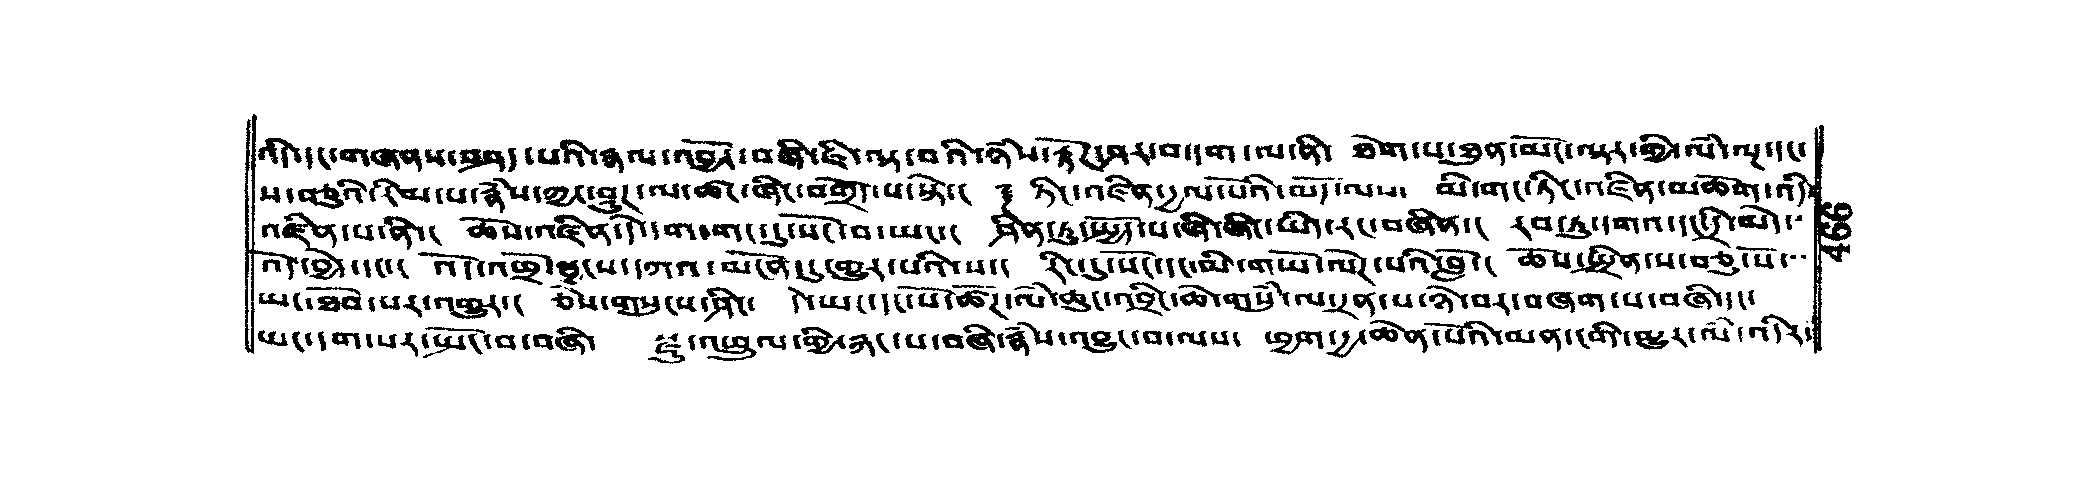འདི་དང་གཞན་ནས་བཤད་པའི་རྣལ་འབྱོར་བཞི་ཇི་ལྟ་བའི་ཉམས་རྟོགས་ཤར་བ་དག་ལ་ནི། ཐེག་པ་ཐུན་མོང་ལྟར་གྱི་ལམ་ལྔ་དང་
ས་བཅུའི་རིམ་པ་རྣམས་ཀྱང་ཤུགས་ལ་ཚང་ཞིང་བགྲོད་པ་སྟེ། ཏིང་འཛིན་རྒྱལ་པོའི་མདོ་ལས། མི་གང་ཏིང་འཛིན་མཆོག་འདི་
འཛིན་པ་ནི། །ཆོས་འཛིན་དེ་དག་གང་དུ་སོང་བ་ཡང་། །ཤིན་ཏུ་སྤྱོད་པ་ཞི་ཞིང་ཡིད་རང་བཞིན། །རབ་ཏུ་དགའ་དང་དྲི་མེད་
འོད་བྱེད་དང་། །འོད་འཕྲོ་སྦྱང་དཀའ་མངོན་དུ་གྱུར་བའི་ས། །རིང་དུ་སོང་དང་མི་གཡོ་ལེགས་པའི་བློ། །ཆོས་སྤྲིན་ས་བཅུ་པོ་
ཡང་ཐོབ་པར་འགྱུར། ཅེས་གསུངས་ཤིང་། དེ་ཡང་དང་པོ་ཚོགས་ལམ་ཆུང་འབྲིང་ཆེ་གསུམ་ལ་དྲན་པ་ཉེ་བར་བཞག་པ་བཞི་དང་། 
ཡང་དག་པར་སྤོང་བ་བཞི། རྫུ་འཕྲུལ་གྱི་རྐང་པ་བཞི་རྣམས་འབྱུང་བ་ལས། ཕྱག་རྒྱ་ཆེན་པོའི་མན་ངག་གི་མྱུར་ལམ་འདིར་